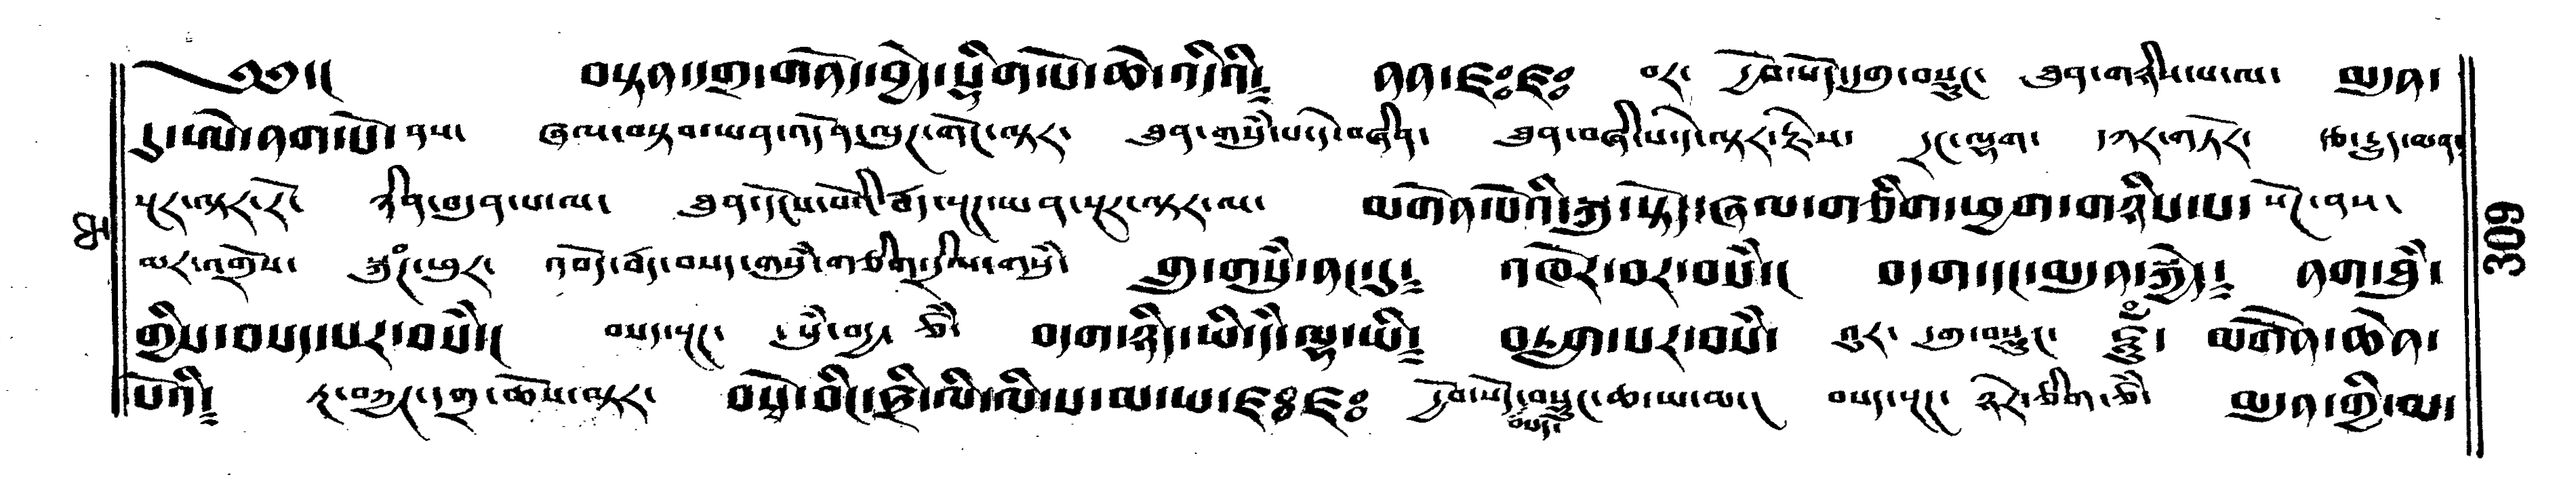བསྟན་དགྲ་གནོད་བྱེད་སྡིག་པོ་ཆེ་འདིའི༴ ནན་ཛཿཛཿ བར། རྒྱོབ་སོད་དགུ་རྡུང་། ཐུན་གཉིས་པ་ལ། མདུན་
དུ་ཨེ་ནག་པོ༴ ནས། ཞལ་བསྟབ་ཡན་འདོན་ལུགས་གོང་ལྟར། ཐུན་གསུམ་པ་དེ་བཞིན། ཐུན་བཞི་པ་དེ་ལྟར་རྗེས། དྲང་ལྷག དཀར་གཏོར། རྩ་རྒྱུད་མན་
སྔར་ལྟར་རོ། ཉིན་བདུན་པ་ལ། ཐུན་དང་པོའི་རྦད་སྔགས་ཡན་སྔར་ལྟར་ལ། མགོན་པོའི་སྐུ་སྟོད་ཞལ་གཅིག་ཕྱག་གཉིས་པ༴ སོགས་ནས་
མར་འགྲེས། སྐུ་གསུང་ཐུགས་ཕུར། འབོད་རྦད་བསད་གསུམ་གཅིག་དྲིལ་གསུམ།གྲུ་གསུམ་ནང་དུ༴ འཁོར་བར་བསམ། བདག་དང་མདུན་སྐྱེད༴ ནག་ཐུམ་
གྱིས་བསད་པར་བསམ། བསད་སྔགས་སུམ་བརྒྱ་ཙམ། བདག་ཉིད་ཡི་དམ་ལྷ་ཡི༴ བརླག་པར་བསམ། འུར་དགུ་བརྡུང་། ཧཱུྃ། མགོན་པོ་ཆེན་
པོའི༴ རྔ་བཀྱགས་དགྲ་ཆོས་ལྟར། བསྭོ་བིང་ཧྲི་ལི་ལི་ས་མ་ཡ་ཛཿཛཿ རྒྱོབ་སོད་བསད་དུང་ཆ་ཡ་མ། བསད་སྔགས་ཉེར་གཅིག་ཙམ། མདུན་གྱི་མ་